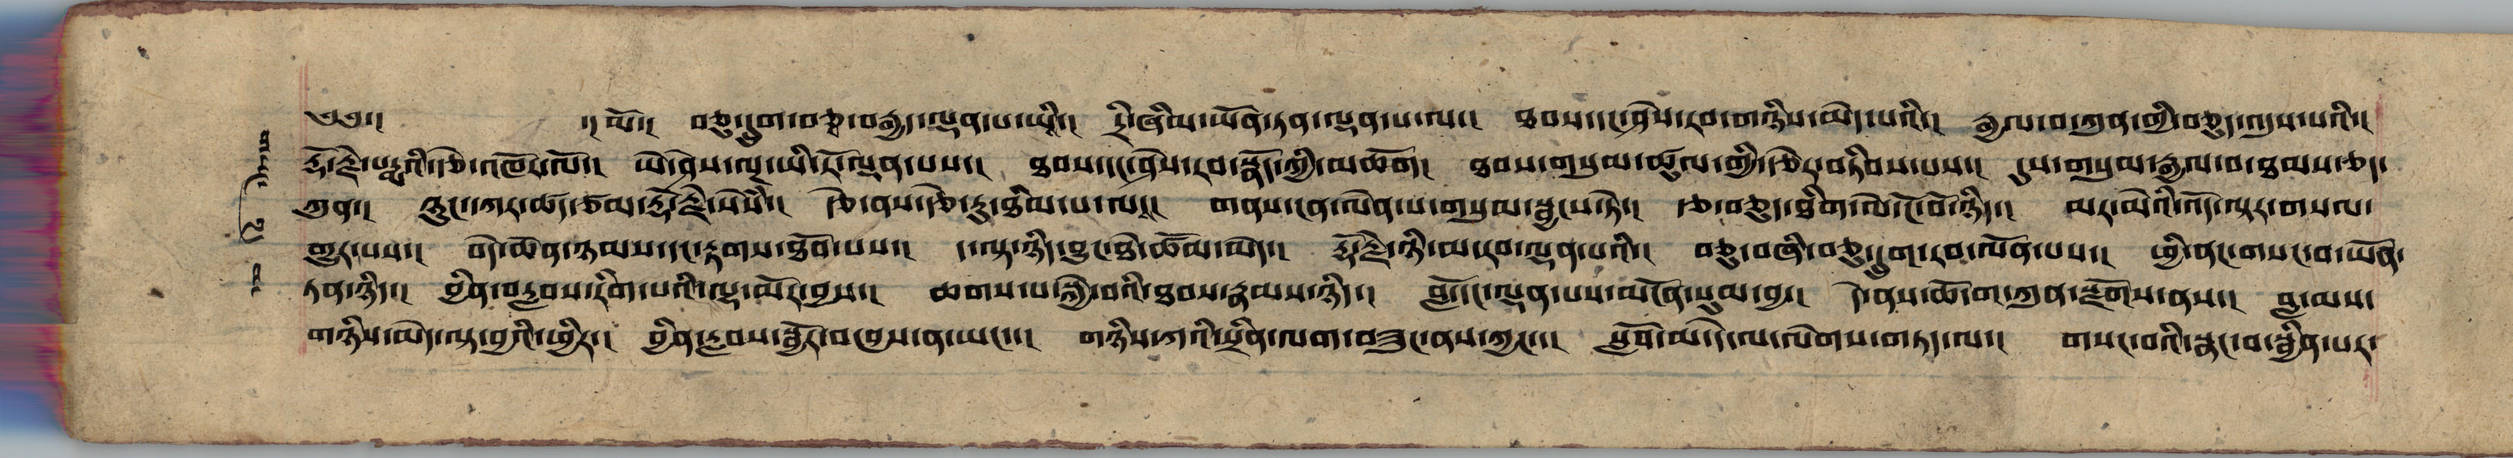༄༅་། ་།མོ་། བཅུ་དྲུག་བཅྭ་བརྒྱད་ལྡན་པ་ཡིས་། དྲི་ཞིམ་ཡོན་ཏན་ལྡན་པ་ལ་། ཐབས་དང་ཤེས་རབ་གཉིས་མེད་པའི་། རྒྱལ་བ་ཀུན་གྱི་བཅུད་འདུས་པའི་།
རྡོ་རྗེ་པདྨའི་རྩེ་འཁོར་ལོ་། ཡེ་ཤེས་ལྔ་ཡི་རོ་ལྡན་པས་། ཐབས་དང་ཤེས་རབ་སྣོད་ཀྱི་མཆོག། ཐབས་གསུམ་ཚུལ་གྱི་རྩེར་བཏིབས་པས་། དུས་གསུམ་རྒྱལ་བ་ཐམས་ཅད་
ཀུན་། ཉུང་དཀར་ཚད་ཙམ་རྡོ་རྗེ་སེཾས་། རྩེ་ནས་རྩེ་རུ་ཐིམ་པ་ལས་། གནས་ངན་ལེན་པ་གསུམ་སྦྱངས་ཏེ་། རྩ་བཅུད་ཐིག་ལེ་ངོ་བོ་ཉིད་། མར་མེའི་འོད་ལྟར་གསལ་
གྱུར་པས་། བདེ་ཆེན་ཉམས་དང་རྟགས་ཐོབ་པས་། ད་ལྟ་ཉིད་བྱུང་ཐེ་ཚོམ་མེད་། རྡོ་རྗེ་ཉི་མ་རབ་ལྡན་པའི་། བཅུ་བཞི་བཅུ་དྲུག་རབ་ལོན་པས་། ཕྱི་ནང་གསང་བ་ཡོན་
ཏན་ཉིད་། བྱིན་བརླབས་རིག་པའི་ལྷ་མོར་བྱས་། ཆགས་པ་སྐྱེ་བའི་ཐབས་རྣམས་ཉིད་། བློ་དང་ལྡན་པས་མངོན་སུམ་བྱ་། དེ་ནས་ཆོ་ག་ཀུན་སྫོགས་ནས་། བླ་མས་
གཉིས་མེད་ལྟ་བྱའི་ཕྱིར་། བྱིན་རླབས་སྦྱོར་བ་བྱས་ན་ཡང་་། གཉིས་ཀའི་སྲིན་ལག་བཟུང་ནས་ཀྱང་་། སློབ་མ་དེ་ལ་ལེགས་གཏད་ལ་། གསང་བའི་སྣང་བ་སྦྱིན་པར་